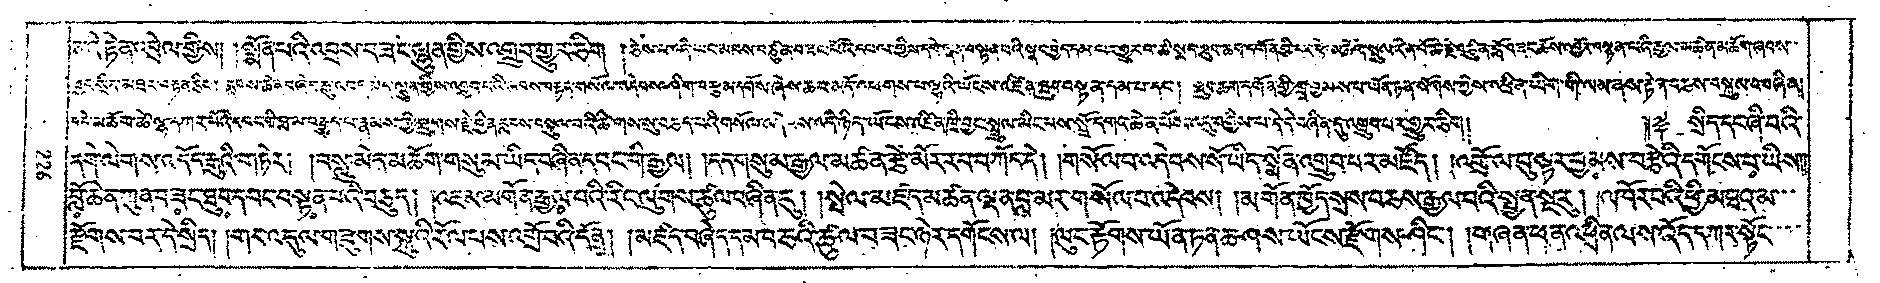མའི་རྟེན་འབྲེལ་གྱིས། །སྨོན་པའི་འབྲས་བཟང་ལྷུན་གྱིས་འགྲུབ་གྱུར་ཅིག །ཅེས་པ་འདི་ཡང་མཁས་བཙུན་བཟང་པོའི་དཔལ་གྱིས་དགེ་ལྡན་བསྟན་པའི་སྣང་བྱེད་དམ་པར་གྱུར་པ་ཚ་སྨད་ཐུབ་ཆག་དགོན་གྱི་དར་རྩེ་མཆོག་སྤྲུལ་རིན་པོ་ཆེ་རྗེ་བཙུན་བློ་བཟང་ཆོས་འབྱོར་བསྟན་པའི་རྒྱལ་མཚན་མཆོག་ཞབས་
ཟུང་སྲིད་མཐར་བརྟན་ཅིང་། རླབས་ཆེན་བཞེད་རྒུ་འབད་མེད་ལྷུན་གྱིས་འགྲུབ་པའི་ཞབས་བརྟན་གསོལ་འདེབས་ཤིག་བརྩམ་དགོས་ཞེས་ཆབ་མདོ་འཕགས་པ་ལྷའི་ཡོངས་འཛིན་ཐུབ་བསྟན་དམ་པ་དང་། ཐུབ་ཆག་དགོན་གྱི་གྲྭ་བྱམས་པ་ཡོན་ཏན་སོགས་ཀྱིས་འཕྲིན་ཡིག་གི་ལམ་ནས་རྟེན་བཅས་བསྐུལ་བ་བཞིན།
བདེ་མཆོག་ཚེ་ལྷ་དཀར་པོའི་དབང་གི་བླ་མ་བརྒྱུད་པ་རྣམས་ཀྱི་ཐུགས་རྗེ་བྱིན་རླབས་བསྐུལ་བའི་ཚིགས་སུ་བཅད་པའི་གསོལ་འདེབས་འདི་ཉིད་ཡོངས་འཛིན་ཁྲི་བྱང་སྤྲུལ་མིང་པས་སྤྲོ་དགའ་ཆེན་པོས་འདུ་བགྱིས་པ་དེ་དེ་བཞིན་དུ་འགྲུབ་པར་གྱུར་ཅིག ། །། ༈ སྲིད་དང་ཞི་བའི་
དགེ་ལེགས་འདོད་རྒུའི་གཏེར། །བསླུ་མེད་མཆོག་གསུམ་ཡིད་བཞིན་དབང་གི་རྒྱལ། །དད་གསུམ་རྒྱལ་མཚན་རྩེ་མོར་རབ་བཀོད་དེ། །གསོལ་བ་འདེབས་སོ་ཡིད་སྨོན་འགྲུབ་པར་མཛོད། །འགྲོ་ལ་བུ་ལྟར་བྱམས྾་བརྩེའི་དགོངས་པ྾་ཡིས། །
བླ྾་ཆེན་ཀུན་བཟང྾་ཐུབ྾་དབང་བསྟན྾་པའི་བཅུད། །འཇམ་མགོན་རྒྱལ྾་བའི་རིང་ལུགས་ཚུལ་བཞིན་དུ། །སྤེལ་མཛད་མཚན་ལྡན་བླ་མར་གསོལ་བ་འདེབས། །མགོན་ཁྱོད་སྲས་བཅས་རྒྱལ་བའི་སྤྱན་སྔ་རུ། །འཁོར་བའི་ཕྱི་མཐའ་མ་
རྫོགས་པར་དེ་སྲིད། །གང་འདུལ་གཟུགས་སྐུའི་རོལ་པས་འགྲོ་བའི་དོན། །མཛད་བཞེད་དམ་བཅའི་ཚུལ་བཟང་ཉེར་དགོངས་ལ། །ལུང་རྟོགས་ཡོན་ཏན་ཆ་ཤས་ཡོངས་རྫོགས་ཤིང་། །གཞན་ཕན་འཕྲིན་ལས་འོད་དཀར་སྟོང་